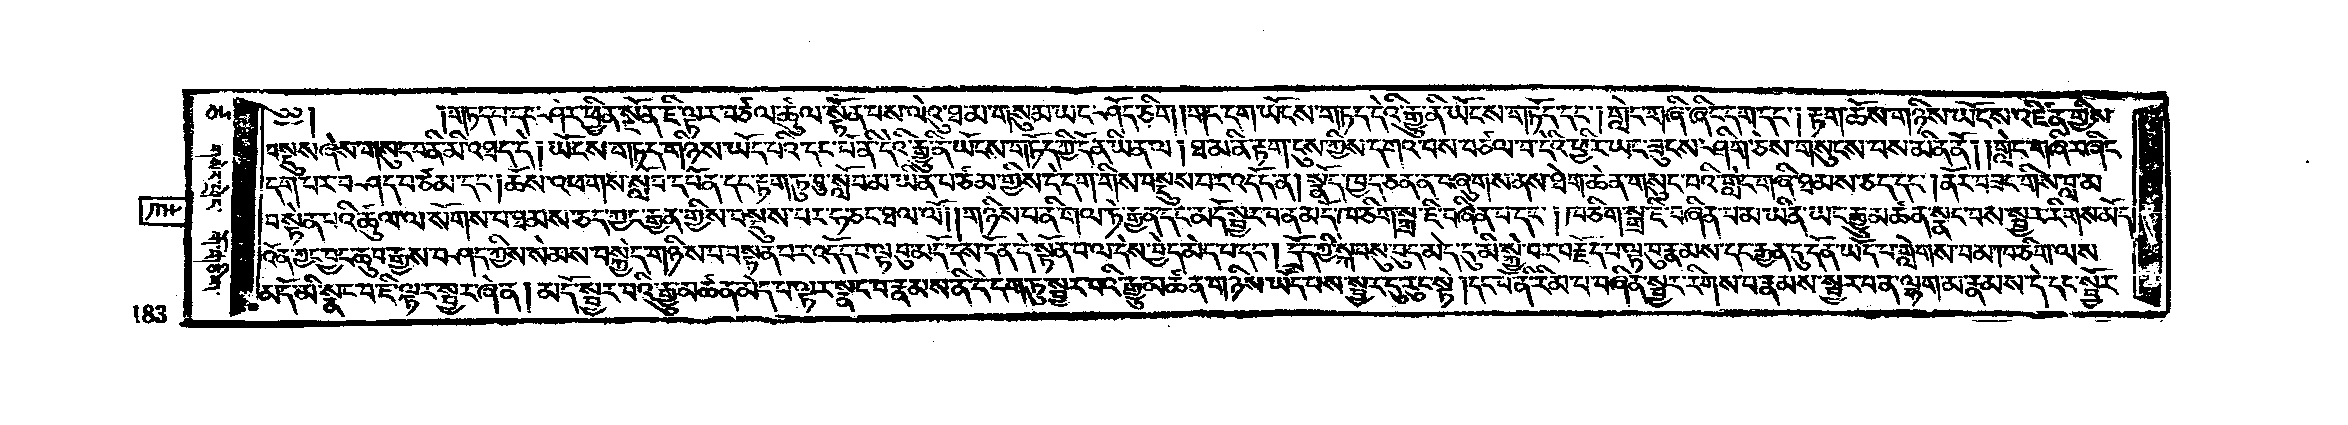༄༅། །གཏད་པ་དང་ཤེར་ཕྱིན་སྔོན་ཇི་ལྟར་བཙལ་ཚུལ་སྟོན་པས་ལེའུ་ཐ་མ་གསུམ་ཡང་ཤོད་ཅིག །གང་དག་ཡོངས་གཏད་དེའི་རྒྱུ་ནི་ཡོངས་གཏོང་དང་། གླེང་གཞི་ཞིང་དག་དང་། རྟག་ཆོས་གཉིས་ཡོངས་འཛིན་གྱིས་
བསྡུས་ཞེས་གསུང་པ་ནི་མི་འཐད་དེ། ཡོངས་གཏད་གཉིས་ཡོད་པའི་དང་པོ་ནི་དེའི་རྒྱུ་ནི་ཡོངས་གཏོད་ཀྱི་དོན་ཡིན་ལ། ཐ་མ་ནི་རྟག་དུས་ཀྱིས་དགའ་བས་བཙལ་བ་དེའི་ཕྱིར་ཡང་ཟུངས་ཤིག་ཅེས་གསུངས་པས་མིན་ནོ། །གླེང་གཞིར་ཞིང་
དག་པར་བཤད་པ་ཙམ་དང་། ཆོས་འཕགས་སློབ་དཔོན་དང་རྟག་ཏུ་དུ་སློབ་མ་ཡིན་པ་ཙམ་གྱིས་དེ་དག་གིས་བསྡུས་པར་འདོད་ན། སྣོད་ཁྱད་ཅན་ན་བཞུགས་ནས་ཐེག་ཆེན་གསུང་བའི་གླེང་གཞི་ཐམས་ཅད་དང་། ནོར་བཟང་གིས་བླ་མ་
བསྟེན་པའི་ཚུལ་ལ་སོགས་པ་ཐམས་ཅད་ཀྱང་རྒྱན་གྱིས་བསྡུས་པར་ཧ་ཅང་ཐལ་ལོ། །གཉིས་པ་ནི་གལ་ཏེ་རྒྱན་དང་མདོ་སྦྱར་བ་ན་མདོ་ཁ་ཅིག་སྒྲ་ཇི་བཞིན་པ་དང་། ཁ་ཅིག་སྒྲ་ཇི་བཞིན་པ་མ་ཡིན་ཡང་རྒྱུ་མཚན་སྣང་བས་སྦྱར་རིག་པ་མོད་
འོན་ཀྱང་བྱང་ཆུབ་རྒྱས་བཤད་ཀྱིས་སེམས་བསྐྱེད་གཉིས་པ་བསྟན་པར་འདོད་པ་ལྟ་བུ་མདོ་དེས་དོན་དེ་སྟོན་པ་ལ་དེས་བྱེད་མེད་པ་དང་། དྲོད་ཀྱི་སྐབས་སུ་བུད་མེད་དུ་མི་སྐྱེ་བར་བརྗོད་པ་ལྟ་བུ་རྣམས་དང་རྒྱན་དུ་དོན་ཡོད་པ་གླེགས་བམ་ཁ་ཅིག་ལས་
མདོ་མི་སྣང་བ་ཇི་ལྟར་སྦྱར་ཞེ་ན། མདོ་སྦྱར་བའི་རྒྱུ་མཚན་མེད་པ་ལྟར་སྣང་བ་རྣམས་ནི་དེ་དག་ཏུ་སྦྱར་བའི་རྒྱུ་མཚན་གཉིས་ཡོད་པས་སྦྱར་དུ་རུང་སྟེ། དང་པོ་ནི་རིམ་པ་བཞིན་སྦྱར་རིགས་པ་རྣམས་སྦྱར་བ་ན་ལྷག་མ་རྣམས་དེ་དང་སྦྱོར་